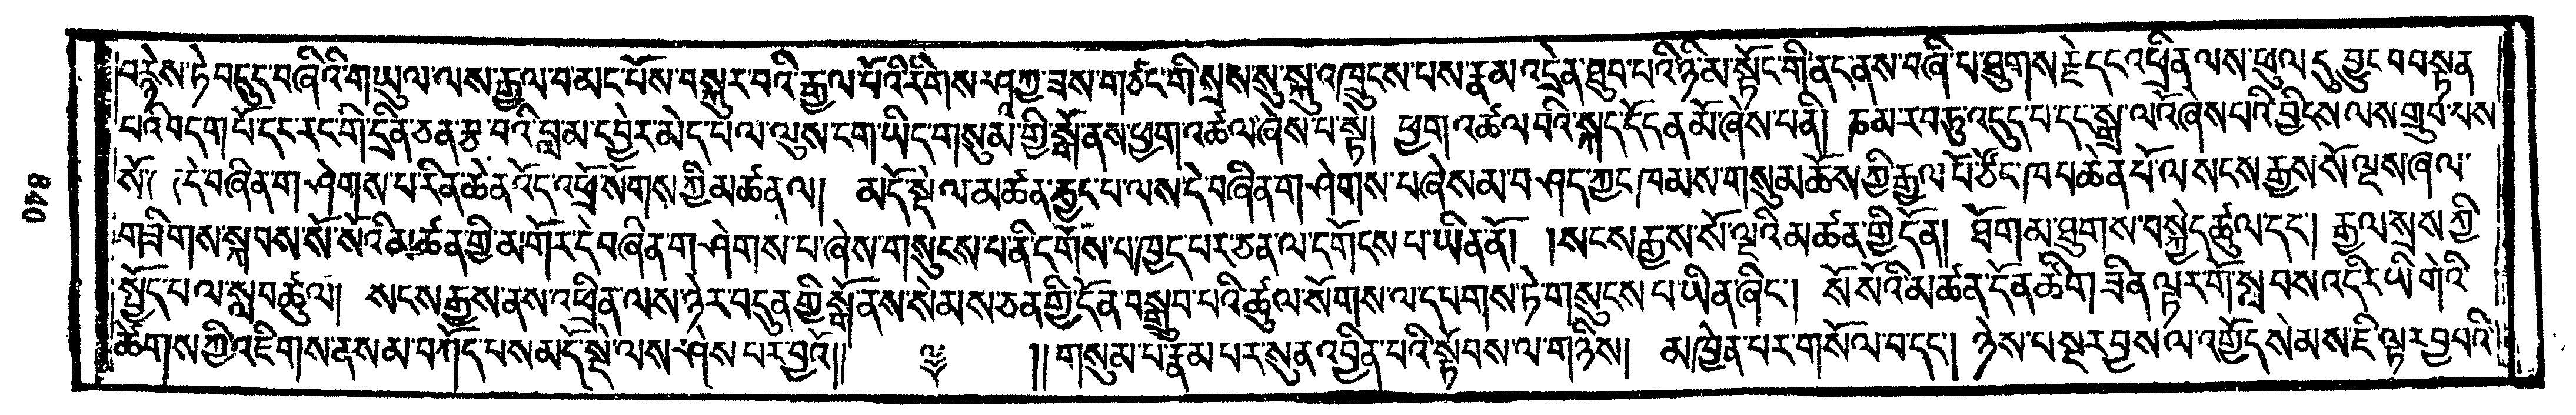བརྙེས་ཏེ་བདུད་བཞིའི་གཡུལ་ལས་རྒྱལ་བ་མང་པོས་བསྐུར་བའི་རྒྱལ་པོའི་རིགས་ཤཱཀྱ་ཟས་གཙང་གི་སྲས་སུ་སྐུ་འཁྲུངས་པས་རྣམ་འདྲེན་ཐུབ་པའི་ཉི་མ་སྟོང་གི་ནང་ནས་བཞི་པ་ཐུགས་རྗེ་དང་འཕྲིན་ལས་ཕུལ་དུ་བྱུང་བ་བསྟན་
པའི་བདག་པོ་དང་རང་གི་དྲིན་ཅན་རྩ་བའི་བླ་མ་དབྱེར་མེད་པ་ལ་ལུས་ངག་ཡིད་གསུམ་གྱི་སྒོ་ནས་ཕྱག་འཚལ་ཞེས་པ་སྟེ། ཕྱག་འཚལ་བའི་སྐད་དོད་ན་མོ་ཞེས་པ་ནི། ཎ་མ་རབ་ཏུ་འདུད་པ་དང་སྒྲ་ལའོ་ཞེས་པའི་བྱིངས་ལས་གྲུབ་པས་
སོ༑ ༑དེ་བཞིན་གཤེགས་པ་རིན་ཆེན་འོད་འཕྲོ་སོགས་ཀྱི་མཚན་ལ། མདོ་སྡེ་ལ་མཚན་རྐྱང་པ་ལས་དེ་བཞིན་གཤེགས་པ་ཞེས་མ་བཤད་ཀྱང་ཁམས་གསུམ་ཆོས་ཀྱི་རྒྱལ་པོ་ཙོང་ཁ་པ་ཆེན་པོ་ལ་སངས་རྒྱས་སོ་ལྡས་ཞལ་
གཟིགས་སྐབས་སོ་སོའི་མཚན་གྱི་མགོར་དེ་བཞིན་གཤེགས་པ་ཞེས་གསུངས་པ་ནི་དགོས་པ་ཁྱད་པར་ཅན་ལ་དགོངས་པ་ཡིན་ནོ། །སངས་རྒྱས་སོ་ལྔའི་མཚན་གྱི་དོན། ཐོག་མ་ཐུགས་བསྐྱེད་ཚུལ་དང་། རྒྱས་སོ་ལྔའི་མཚན་གྱི་དོན། ཐོག་མ་ཐུགས་བསྐྱེད་ཚུལ་དང་།
སྤྱོད་པ་ལ་སླབ་ཚུལ། སངས་རྒྱས་ནས་འཕྲིན་ལས་ཉེར་བདུན་གྱི་སྒོ་ནས་སེམས་ཅན་གྱི་དོན་བསྒྲུབ་པའི་ཚུལ་སོགས་ལ་དཔགས་ཏེ་གསུངས་པ་ཡིན་ཞིང་། སོ་སོའི་མཚན་དོན་ཚིག་ཟིན་ལྟར་གོ་སླ་བས་འདིར་ཡི་གེའི་
ཚེགས་ཀྱི་འཇིགས་ནས་མ་བཀོད་པས་མདོ་སྡེ་ལས་ཤེས་པར་བྱའོ།། ༈ །།གསུམ་པ་རྣམ་པར་སུན་འབྱིན་པའི་སྟོབས་ལ་གཉིས། མཁྱེན་པར་གསོལ་བ་དང་། ཉེས་པ་སྔར་བྱས་ལ་འགྱོད་སེམས་ཇི་ལྟར་བྱ་བའི།།